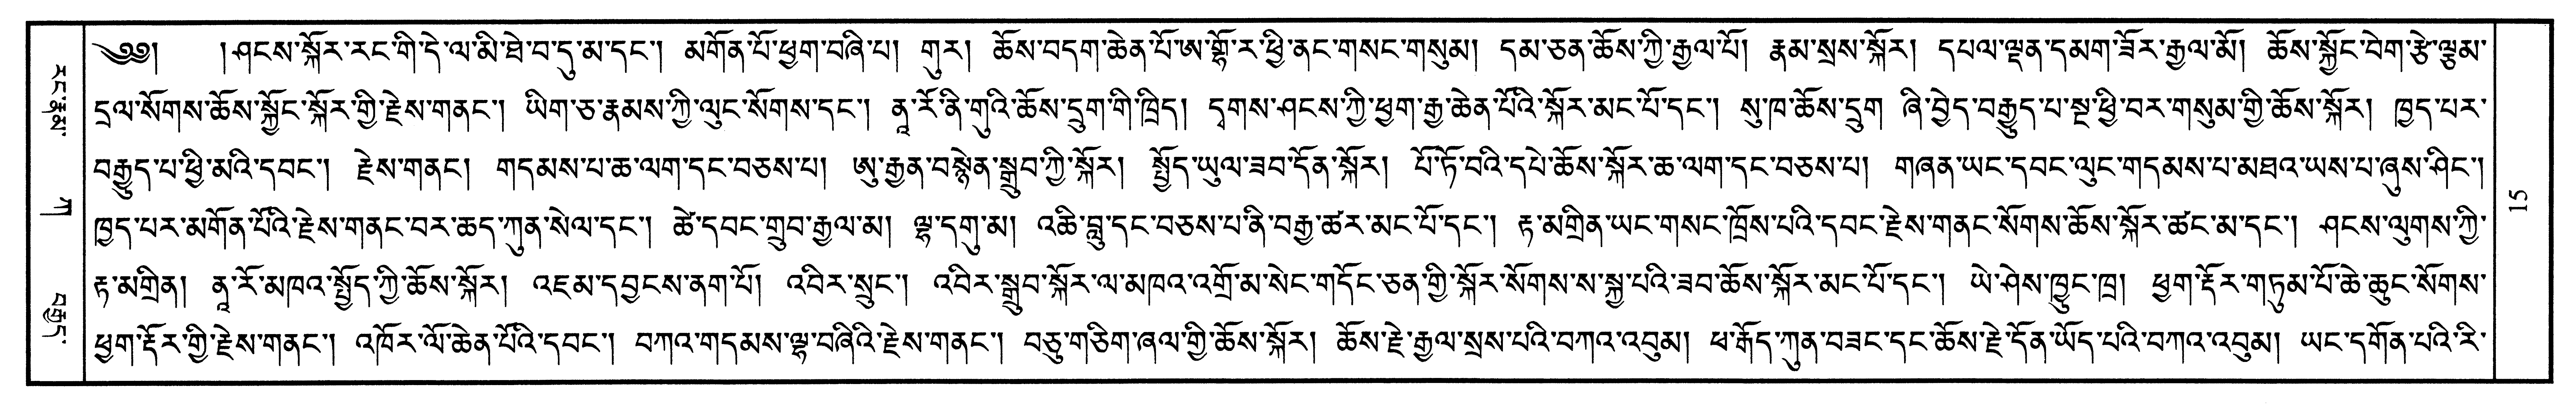༄༅། །ཤངས་སྐོར་རང་གི་དེ་ལ་མི་ཐེ་བ་དུ་མ་དང་། མགོན་པོ་ཕྱག་བཞི་པ། གུར། ཆོས་བདག་ཆེན་པོ་ཨ་གྷོ་ར་ཕྱི་ནང་གསང་གསུམ། དམ་ཅན་ཆོས་ཀྱི་རྒྱལ་པོ། རྣམ་སྲས་སྐོར། དཔལ་ལྡན་དམག་ཟོར་རྒྱལ་མོ། ཆོས་སྐྱོང་བེག་རྩེ་ལྕམ་
དྲལ་སོགས་ཆོས་སྐྱོང་སྐོར་གྱི་རྗེས་གནང་། ཡིག་ཅ་རྣམས་ཀྱི་ལུང་སོགས་དང་། ནཱ་རོ་ནི་གུའི་ཆོས་དྲུག་གི་ཁྲིད། དྭགས་ཤངས་ཀྱི་ཕྱག་རྒྱ་ཆེན་པོའི་སྐོར་མང་པོ་དང་། སུ་ཁ་ཆོས་དྲུག་ཞི་བྱེད་བརྒྱུད་པ་སྔ་ཕྱི་བར་གསུམ་གྱི་ཆོས་སྐོར། ཁྱད་པར་
བརྒྱུད་པ་ཕྱི་མའི་དབང་། རྗེས་གནང་། གདམས་པ་ཆ་ལག་དང་བཅས་པ། ཨུ་རྒྱན་བསྙེན་སྒྲུབ་ཀྱི་སྐོར། སྤྱོད་ཡུལ་ཟབ་དོན་སྐོར། པོ་ཏོ་བའི་དཔེ་ཆོས་སྐོར་ཆ་ལག་དང་བཅས་པ། གཞན་ཡང་དབང་ལུང་གདམས་པ་མཐའ་ཡས་པ་ཞུས་ཤིང་།
ཁྱད་པར་མགོན་པོའི་རྗེས་གནང་བར་ཆད་ཀུན་སེལ་དང་། ཚེ་དབང་གྲུབ་རྒྱལ་མ། ལྷ་དགུ་མ། འཆི་བླུ་དང་བཅས་པ་ནི་བརྒྱ་ཚར་མང་པོ་དང་། རྟ་མགྲིན་ཡང་གསང་ཁྲོས་པའི་དབང་རྗེས་གནང་སོགས་ཆོས་སྐོར་ཚང་མ་དང་། ཤངས་ལུགས་ཀྱི་
རྟ་མགྲིན། ནཱ་རོ་མཁའ་སྤྱོད་ཀྱི་ཆོས་སྐོར། འཇམ་དབྱངས་ནག་པོ། འབིར་སྲུང་། འབིར་སྒྲུབ་སྐོར་ལ་མཁའ་འགྲོ་མ་སེང་གདོང་ཅན་གྱི་སྐོར་སོགས་ས་སྐྱ་པའི་ཟབ་ཆོས་སྐོར་མང་པོ་དང་། ཡེ་ཤེས་ཁྱུང་ཁྲ། ཕྱག་རྡོར་གཏུམ་པོ་ཆེ་ཆུང་སོགས་
ཕྱག་རྡོར་གྱི་རྗེས་གནང་། འཁོར་ལོ་ཆེན་པོའི་དབང་། བཀའ་གདམས་ལྷ་བཞིའི་རྗེས་གནང་། བཅུ་གཅིག་ཞལ་གྱི་ཆོས་སྐོར། ཆོས་རྗེ་རྒྱལ་སྲས་པའི་བཀའ་འབུམ། ཕ་རྒོད་ཀུན་བཟང་དང་ཆོས་རྗེ་དོན་ཡོད་པའི་བཀའ་འབུམ། ཡང་དགོན་པའི་རི་